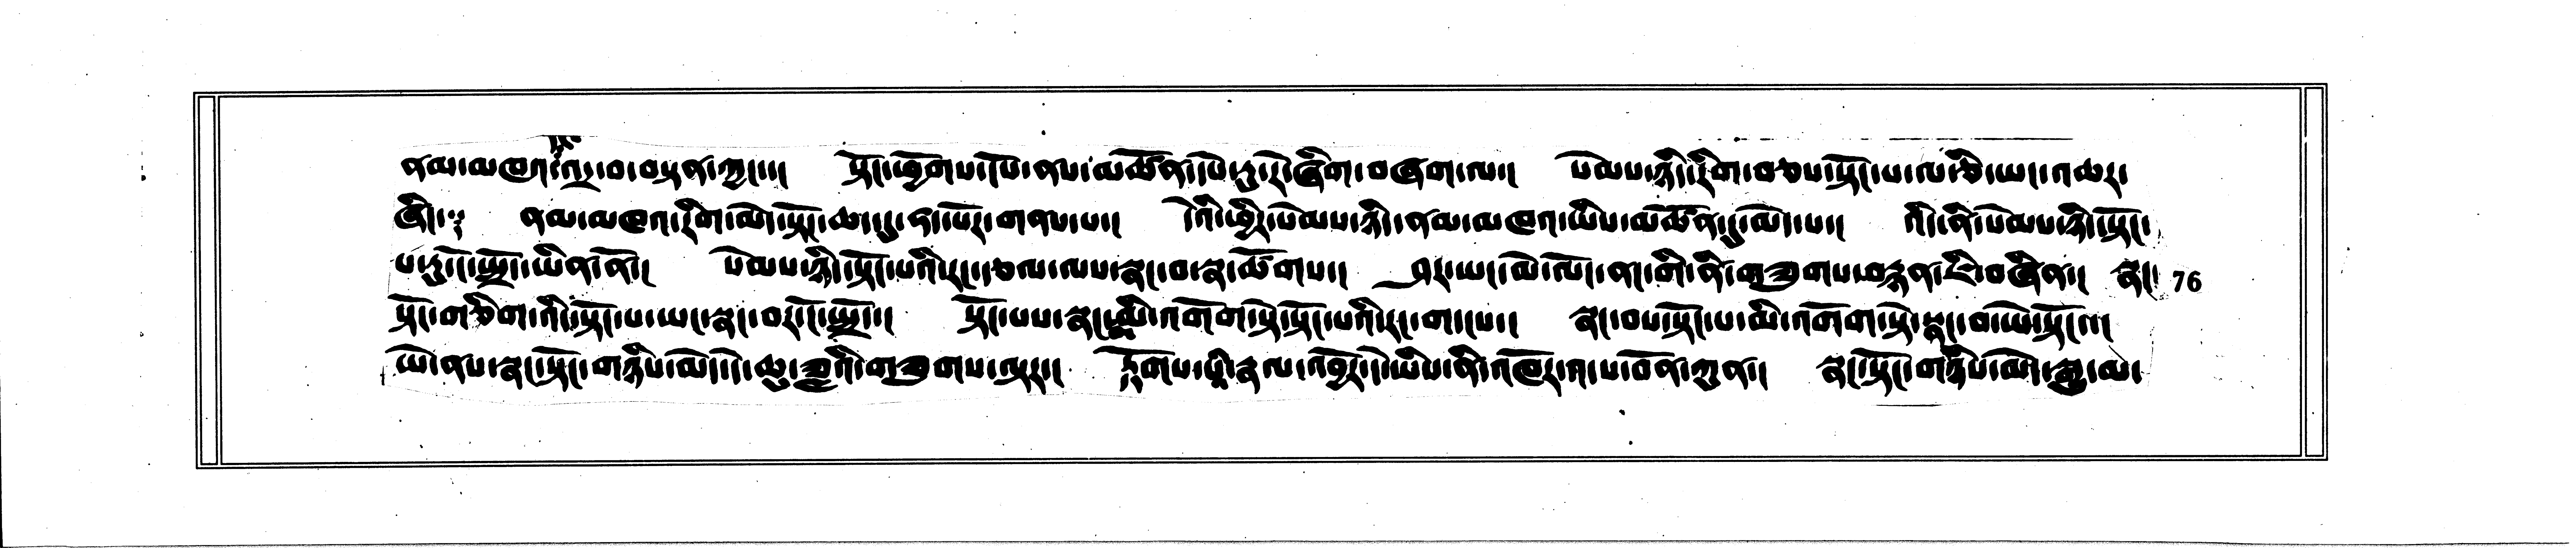ནམ་མཁའ་འདྲ་བ་བསྟན་ཀྱང་། །སྟོང་ཕྱོགས་ངོས་ནས་མཚོན་དཔེ་རུ་རེ་ཞིག་བཞག་ལ། །སེམས་ཉིད་རིག་བཅས་སྟོང་པ་ལ་ཅི་ཡང་འཆར་
ཞིང་། །ནམ་མཁའ་རིག་མེད་སྟོང་ཆད་དུ་ཧད་པོར་གནས་པ། །དེའི་ཕྱིར་སེམས་ཉིད་ནམ་མཁའ་ཡིས་མཚོན་དུ་མེད་པ། །འདི་ནི་སེམས་ཉིད་སྟོང་
པ་རུ་ངོ་སྤྲོད་ཡིན་ནོ། །སེམས་ཉིད་སྟོང་པའི་རང་རྩལ་ལས་སྣང་བ་སྣ་ཚོགས། །ཤར་ཡང་མེ་ལོང་ནང་གི་གཟུགས་བརྙན་ཇི་བཞིན། །སྣང་
སྟོང་གཅིག་འདི་སྟོང་པ་ཡང་སྣང་བར་ངོ་སྤྲོད། །སྟོང་པས་སྣང་བ་མི་འགོག་སྟེ་སྟོང་པའི་རང་མདངས། །སྣང་བས་སྟོང་པ་མི་འགོག་སྟེ་སྣང་བ་ཡེ་སྟོང་། །
ཡེ་ནས་སྣང་སྟོང་གཉིས་མེད་དེ་ཆུ་ཟླའི་གཟུགས་ལྟར། །རྟོགས་པའི་རྣལ་འབྱོར་དེ་ཡིས་ནི་འཁོར་འདས་བོན་ཀུན། །སྣང་སྟོང་གཉིས་མེད་སྒྱུ་མ་